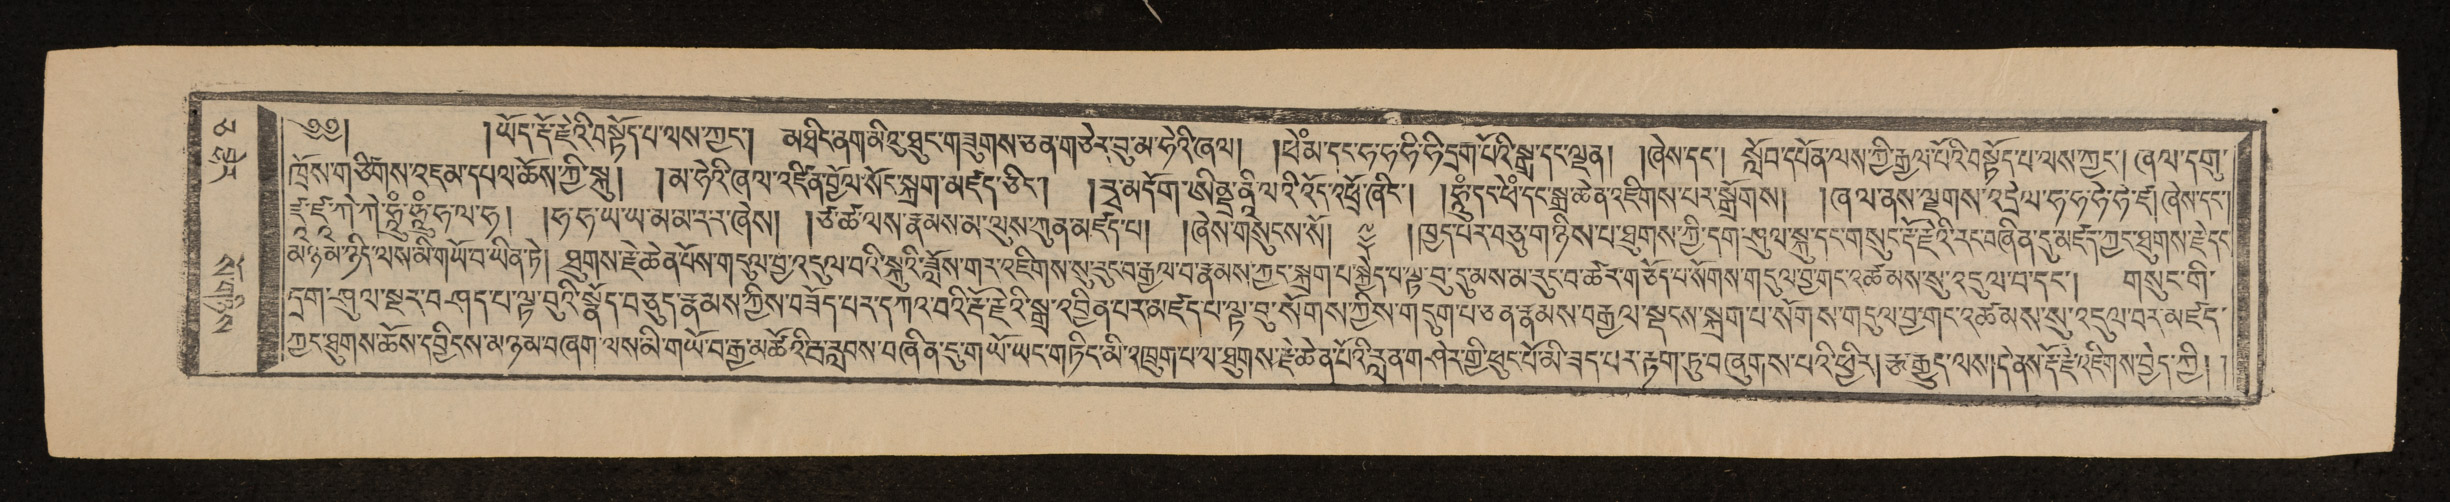༄༅། །ཡོད་རྡོ་རྗེའི་བསྟོད་བ་ལས་ཀྱང་། མཐིང་ནག་མིའུ་ཐུང་གཟུགས་ཅན་གཅེར་བུ་མ་ཧེའི་ཞལ། །ཕེཾ་དང་ཧ་ཧ་ཧི་ཧི་དྲག་པོའི་སྒྲ་དང་ལྡན། །ཞེས་དང་། སློབ་དཔོན་ལས་ཀྱི་རྒྱལ་པོའི་བསྟོད་པ་ལས་ཀྱང་། ཞལ་དགུ་
ཁྲོས་གཙིགས་འཇམ་དཔལ་ཆོས་ཀྱི་སྐུ། །མ་ཧེའི་ཞལ་འཛིན་བྱོལ་སོང་སྐྲག་མཛད་ཅིང་། །རྭ་མདོག་ཨིནྡྲ་ནཱི་ལའི་འོད་འཕྲོ་ཞིང་། །ཧཱུཾ་དང་ཕེཾ་དང་སྒྲ་ཆེན་འཇིགས་པར་སྒྲོགས། །ཞལ་ནས་ལྗགས་འདྲིལ་ཧ་ཧ་ཧེ་ཧེ་ཛ། །ཞེས་དང་།
ཛཱ་ཛཱ་ཀེ་ཀེ་ཧཱུཾ་ཧཱུཾ་ཧ་ལ་ཧ། །ཧ་ཧ་ཡ་ཡ་མ་མ་ར་ར་ཞེས། །ཙ་ཚ་ལས་རྣམས་མ་ལུས་ཀུན་མཛད་པ། །ཞེས་གསུངས་སོ། ༈ །ཁྱད་པར་བཅུ་གཉིས་པ་ཐུགས་ཀྱི་དྲག་ཤུལ་སྐུ་དང་གསུང་རྡོ་རྗེའི་རང་བཞིན་དུ་མཛད་ཀྱང་ཐུགས་རྗེ་དང་མཉམ་
ཉིད་ལས་མི་གཡོ་པ་ཡིན་ཏེ། ཐུགས་རྗེ་ཆེན་པོས་གདུལ་བྱ་འདུལ་པའི་སྐུའི་ཟློས་གར་འཇིགས་སུ་རུང་བ་རྒྱལ་བ་རྣམས་ཀྱང་སྐྲག་པ་སྐྱེད་པ་ལྟ་བུ་དུ་མས་མ་རུང་བ་ཚར་གཅོད་པ་སོགས་གདུལ་བྱ་གང་འཚམས་སུ་འདུལ་པ་དང་། གསུང་
གི་དྲག་ཤུལ་སྔར་བཤད་པ་ལྟ་བུའི་སྣོད་བཅུད་རྣམས་ཀྱིས་བཟོད་པར་དཀའ་བའི་རྡོ་རྗེའི་སྒྲ་འབྱིན་པར་མཛད་པ་ལྟ་བུ་སོགས་ཀྱིས་གདུག་པ་ཅན་རྣམས་བརྒྱལ་སྡངས་སྐྲག་པ་སོགས་གདུལ་བྱ་གང་འཚམས་སུ་འདུལ་བར་མཛད་ཀྱང་ཐུགས་
ཆོས་དབྱིངས་མཉམ་བཞག་ལས་མི་གཡོ་བ་རྒྱ་མཚོའི་རྦ་རླབས་བཞིན་དུ་གཡོ་ཡང་གཏིང་མི་འཁྲུག་པ་ལ་ཐུགས་རྗེ་ཆེན་པོའི་རླན་གཤེར་གྱི་ཕུང་པོ་མི་ཟད་བར་རྟག་ཏུ་བཞུགས་པའི་ཕྱིར། རྩ་རྒྱུད་ལས། ད་ནས་རྡོ་རྗེ་འཇིགས་བྱེད་ཀྱི། །